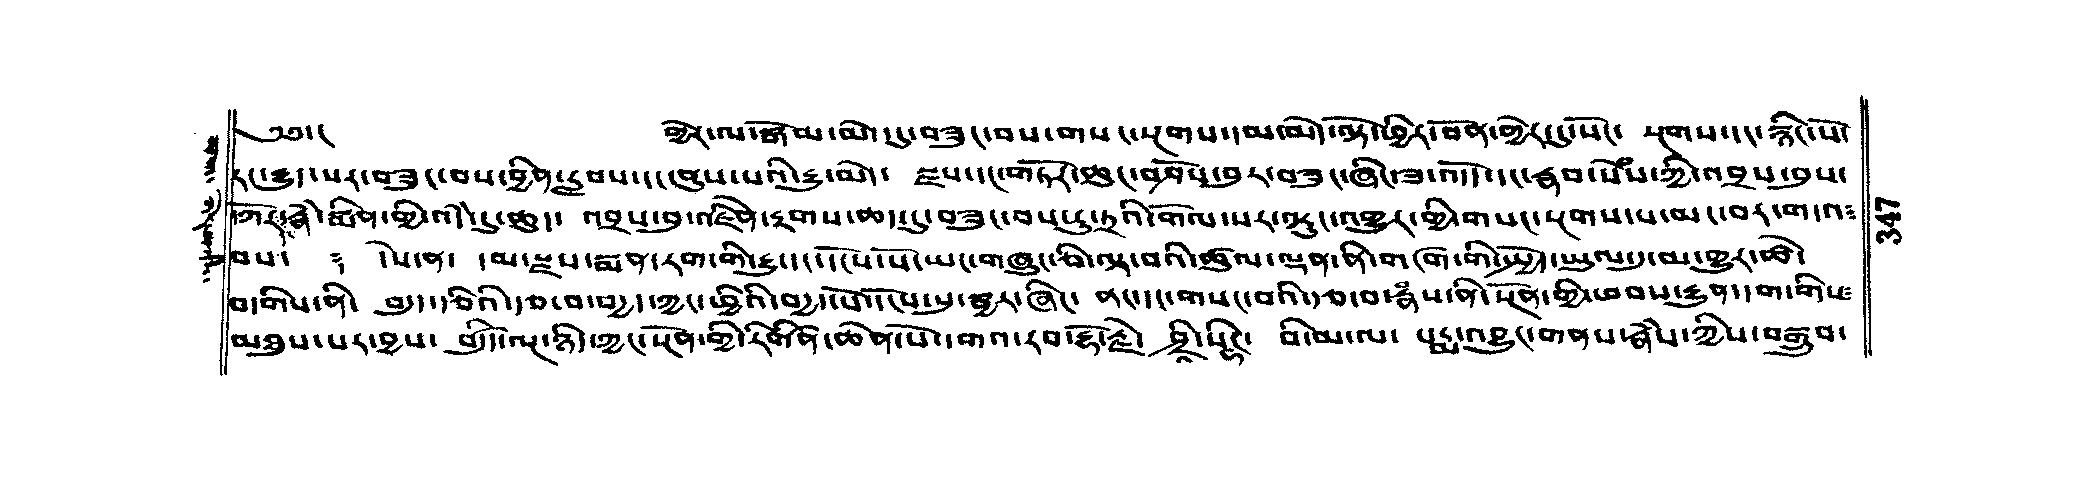གྱེར་ལ་སྒོམ་མེད་དུ་བཟུང་བས་གསང་སྔགས་དམ་མེད་ལྟོ་ཕྱིར་བོན་གྱེར་དུ་སོང་། སྔགས་དང་སྙིང་པོ་
རང་རྒྱུད་པར་བཟུང་བས་བྱིན་རླབས་དང་ནུས་པའི་རྒྱུ་མེད། རྫས་དང་གཏོར་ཆུང་བཤོས་བུར་བཟུང་ཞིང་ཟ་འདོད་དང་བརྣབ་སེམས་ཀྱི་འབྲས་བུས་
དཀོར་དང་རྣམ་སྨིན་གྱི་འདམ་དུ་ཆུད། འབྲས་བུ་འཇིག་རྟེན་རྟག་ཆད་དུ་བཟུང་བས་རུ་ཏྲའི་གོལ་སར་ལྟ་བུར་འགྱུར་གྱི་གསང་སྔགས་པ་མང་བར་གདའ་
བས། ༈ དེས་ན་དམ་རྫས་སྨན་རག་གི་རྒྱུ་དང་དངོས་པོ་ཡང་གཞུང་ཅི་ལྟ་བའི་ཚུལ་ལྡན་ནི་གདམས་ངག་གི་སྤྱོད་ཡུལ་དུ་མ་གྱུར་ཚེ། 
བདག་གིས་ནི། བདུད་རྩིའི་རྩ་བ་བརྒྱད་ཀྱང་ཕྱིའི་བརྒྱད་པོ་དངོས་སུ་སྦྱར་ཞིང་།ནང་གསང་བའི་རྩ་བ་རྣམས་ནི་སྔོན་གྱི་ཕབས་རྒྱུན་དག་གིས་
མཐུས་པར་བྱས། བདུད་རྩི་ལྔ་ཉིད་ཀྱང་སྔོན་གྱི་རིག་འཛིན་ཆེན་པོ་དགའ་རབ་རྡོ་རྗེ། ཤྲཱི་སིངྷ་། བི་མ་ལ། པདྨ་འབྱུང་གནས་རྣམས་ཀྱིས་བསྒྲུབ་